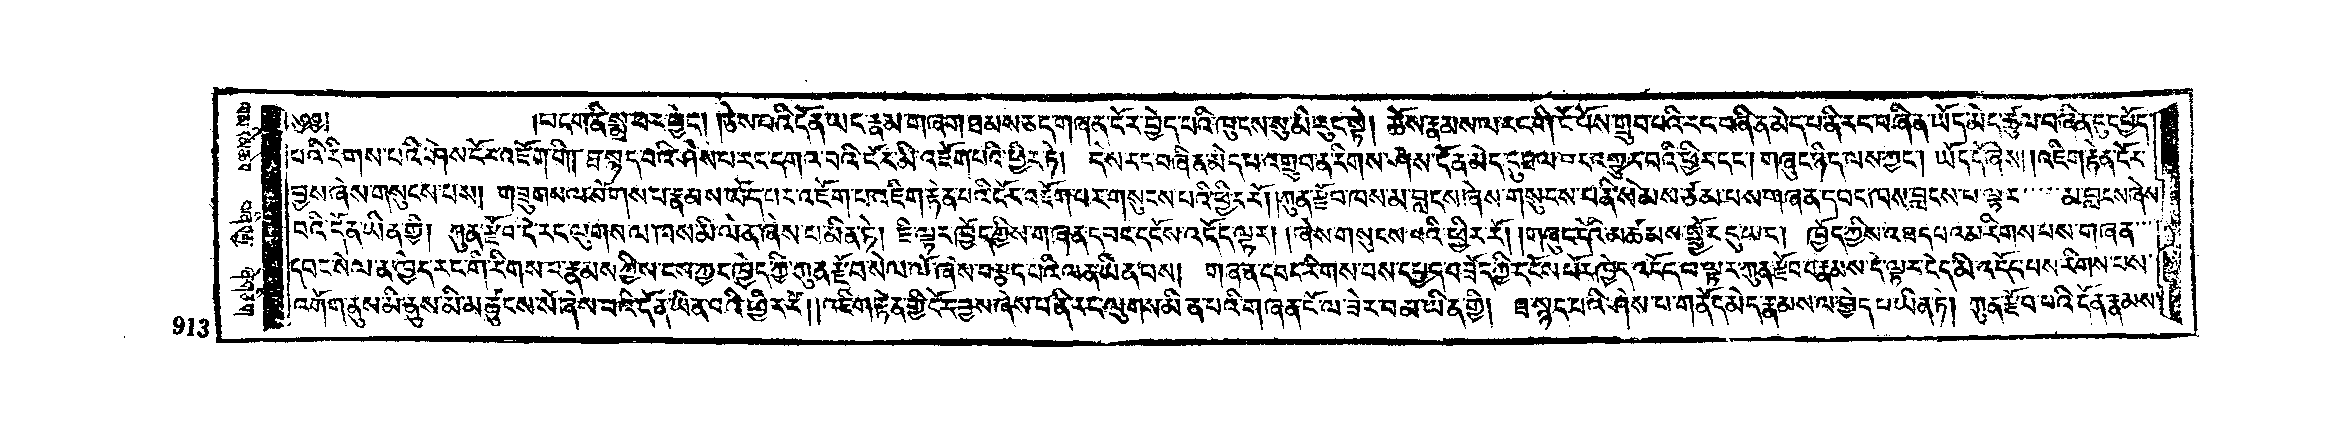༄༅། །བདག་ནི་སྨྲ་བར་བྱེད། །ཅེས་པའི་དོན་ཡང་རྣམ་གཞག་ཐམས་ཅད་གཞན་ངོར་བྱེད་པའི་ཁུངས་སུ་མི་རུང་སྟེ། ཆོས་རྣམས་ལ་རང་གི་ངོ་བོས་གྲུབ་པའི་རང་བཞིན་མེད་པ་ནི་རང་བཞིན་ཡོད་མེད་ཚུལ་བཞིན་དུ་དཔྱོད་
པའི་རིགས་པའི་ཤེས་ངོར་འཇོག་གི། ཐ་སྙད་པའི་ཤེས་པ་རང་དགའ་བའི་ངོར་མི་འཇོག་པའི་ཕྱིར་ཏེ། དེས་རང་བཞིན་མེད་པ་འགྲུབ་ན་རིགས་ཤེས་དོན་མེད་དུ་ཐལ་བར་འགྱུར་བའི་ཕྱིར་དང་། གཞུང་ཉིད་ལས་ཀྱང་། ཡོད་དོ་ཞེས། །འཇིག་རྟེན་ངོར་
བྱས་ཞེས་གསུངས་པས། གཟུགས་ལ་སོགས་པ་རྣམས་ཡོད་པར་འཇོག་པ་འཇིག་རྟེན་པའི་ངོར་འཇོག་པར་གསུངས་པའི་ཕྱིར་རོ། །ཀུན་རྫོབ་ཁས་མ་བླངས་ཞེས་གསུངས་པ་ནི་སེམས་ཙམ་པས་གཞན་དབང་ཁས་བླངས་པ་ལྟར་མ་བླངས་ཞེས་
བའི་དོན་ཡིན་གྱི། ཀུན་རྫོབ་དེ་རང་ལུགས་ལ་ཁས་མི་ལེན་ཞེས་པ་མིན་ཏེ། ཇི་ལྟར་ཁྱོད་ཀྱིས་གཞན་དབང་དངོས་འདོད་ལྟར། །ཞེས་གསུངས་པའི་ཕྱིར་རོ། །གཞུང་དེའི་མཚམས་སྦྱོར་དུ་ཡང་། ཁྱོད་ཀྱིས་འཐད་པའམ་རིགས་པས་གཞན་
དབང་སེལ་ན་ཁྱེད་རང་གི་རིགས་པ་རྣམས་ཀྱིས་ངས་ཀྱང་ཁྱེད་ཀྱི་ཀུན་རྫོབ་སེལ་ལོ་ཞེས་བརྩད་པའི་ལན་ཡིན་པས། གཞན་དབང་རིགས་པས་དཔྱད་བཟོད་ཀྱི་དངོས་པོར་ཁྱེད་འདོད་པ་ལྟར་ཀུན་རྫོབ་པ་རྣམས་དེ་ལྟར་ངེད་མི་འདོད་པས་རིགས་པས་
འགོག་ནུས་མི་ནུས་མི་མཚུངས་སོ་ཞེས་པའི་དོན་ཡིན་པའི་ཕྱིར་རོ། །འཇིག་རྟེན་གྱི་ངོར་བྱས་ཞེས་པ་ནི་རང་ལུགས་མིན་པའི་གཞན་ངོ་ལ་ཟེར་བ་མ་ཡིན་གྱི། ཐ་སྙད་པའི་ཤེས་པ་གནོད་མེད་རྣམས་ལ་བྱེད་པ་ཡིན་ཏེ། ཀུན་རྫོབ་པའི་དོན་རྣམས་